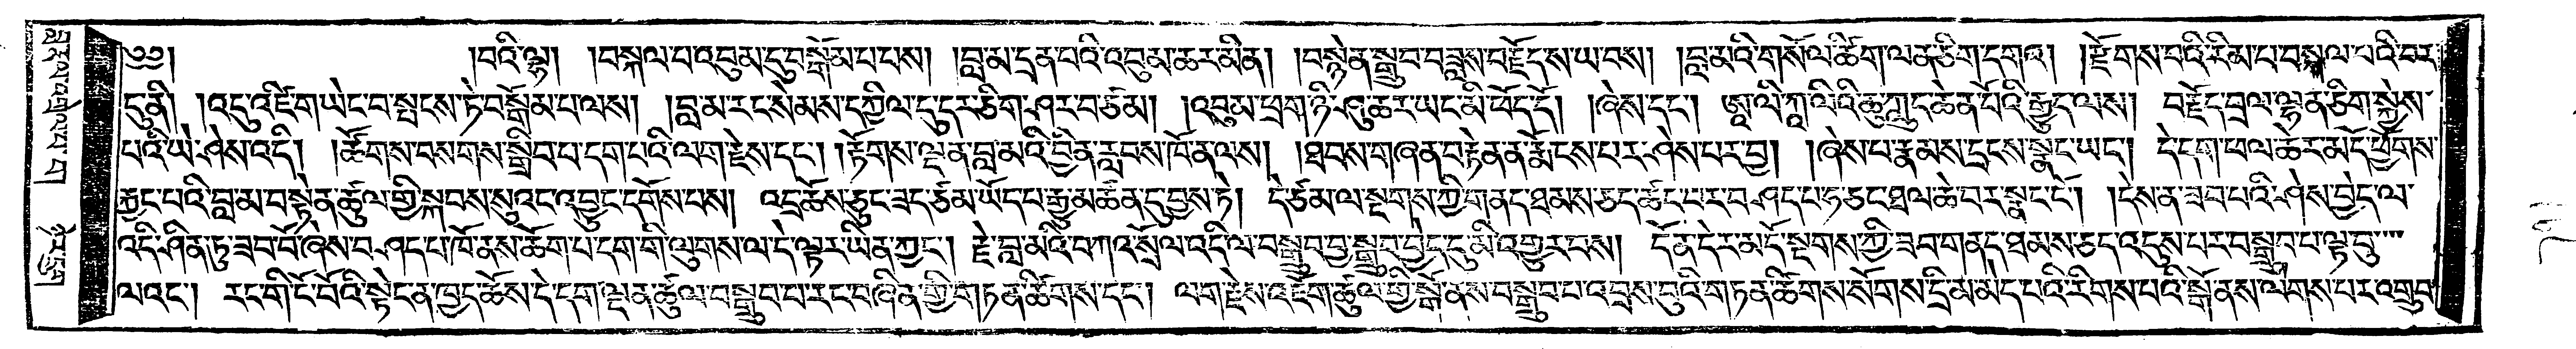༄༅། །བའི་ལྷ། །བསྐལ་བ་འབུམ་དུ་བསྒོམ་པ་བས། །བླ་མ་དྲན་པའི་འབུམ་ཆར་མིན། །བསྙེན་སྒྲུབ་བཟླས་བརྗོད་ས་བས། །བླ་མའི་གསོལ་ཚིག་ལན་ཅིག་དགའ། །རྫོགས་པའི་རིམ་པ་བསྐལ་བའི་བར་
དུ་ནི། །འདུ་འཛི་གཡེང་བ་སྤངས་ཏེ་བསྒོམ་པ་ལས། །བླ་མ་རང་སེམས་དཀྱིལ་དུ་དར་ཅིག་ཤར་བ་ཙམ། །འབུམ་ཕྲག་ཉི་ཤུ་ཆར་ཡང་མི་ཕོད་དོ། །ཞེས་དང་། ཨཱ་ལི་ཀཱ་ལིའི་ཆུ་ཀླུང་ཆེན་པོའི་རྒྱུད་ལས། བརྗོད་བྲལ་ལྷན་ཅིག་སྐྱེས་
པའི་ཡེ་ཤེས་འདི། །ཚོགས་བསགས་སྒྲིབ་པ་དག་པའི་ལག་རྗེས་དང་། །རྟོགས་ལྡན་བླ་མའི་བྱིན་རླབས་ཁོ་ན་ལས། །ཐབས་གཞན་བརྟེན་ན་རྨོངས་པར་ཤེས་པར་བྱ། །ཞེས་པ་རྣམས་དྲངས་སྣང་ཡང་། དེ་དག་ཕལ་ཆེར་མདོ་ཕྱོགས་
རྐྱང་པའི་བླ་མ་བསྟེན་ཚུལ་གྱི་སྐབས་སུའང་འབྱུང་དགོས་པས། འདྲ་ཆོས་ཅུང་ཟད་ཙམ་ཡོད་པ་རྒྱུ་མཚན་དུ་བྱས་ཏེ། དེ་ཙམ་ལ་སྔགས་ཀྱི་གནད་ཐམས་ཅད་ཚང་བར་བཤད་བ་ཧ་ཅང་ཐལ་ཆེ་བར་སྣང་ངོ། །དེས་ན་ཟབ་པའི་ཤེས་བྱེད་ལ་
འདི་ཤིན་ཏུ་ཟབ་བོ་ཞེས་བཤད་པ་ཁོ་ནས་ཆོག་པ་དག་གི་ལུགས་ལ་དེ་ལྟར་ཡིན་ཀྱང་། རྗེ་བླ་མའི་བཀའ་སྲོལ་འདི་ལ་བསྒྲུབ་བྱ་སྒྲུབ་བྱེད་དུ་མི་འགྱུར་བས། དོན་དེར་མདོ་སྔགས་ཀྱི་ཟབ་གནད་ཐམས་ཅད་འདུས་པར་བསྒྲུབ་པ་ལྟ་བུ་
ལའང་། རང་གི་ངོ་བོའི་སྟེང་ན་ཁྱད་ཆོས་དེ་དག་ལྡན་ཚུལ་བསྒྲུབ་བ་རང་བཞིན་གྱི་གཏམ་ཚིགས་དང་། ལག་རྗེས་འཇོག་ཚུལ་གྱི་སྒོ་ནས་བསྒྲུབ་པ་འབྲས་བུའི་གཏན་ཚིགས་སོགས་དྲི་མ་མེད་པའི་རིགས་པའི་སྒོ་ནས་ལེགས་པར་འགྲུབ་